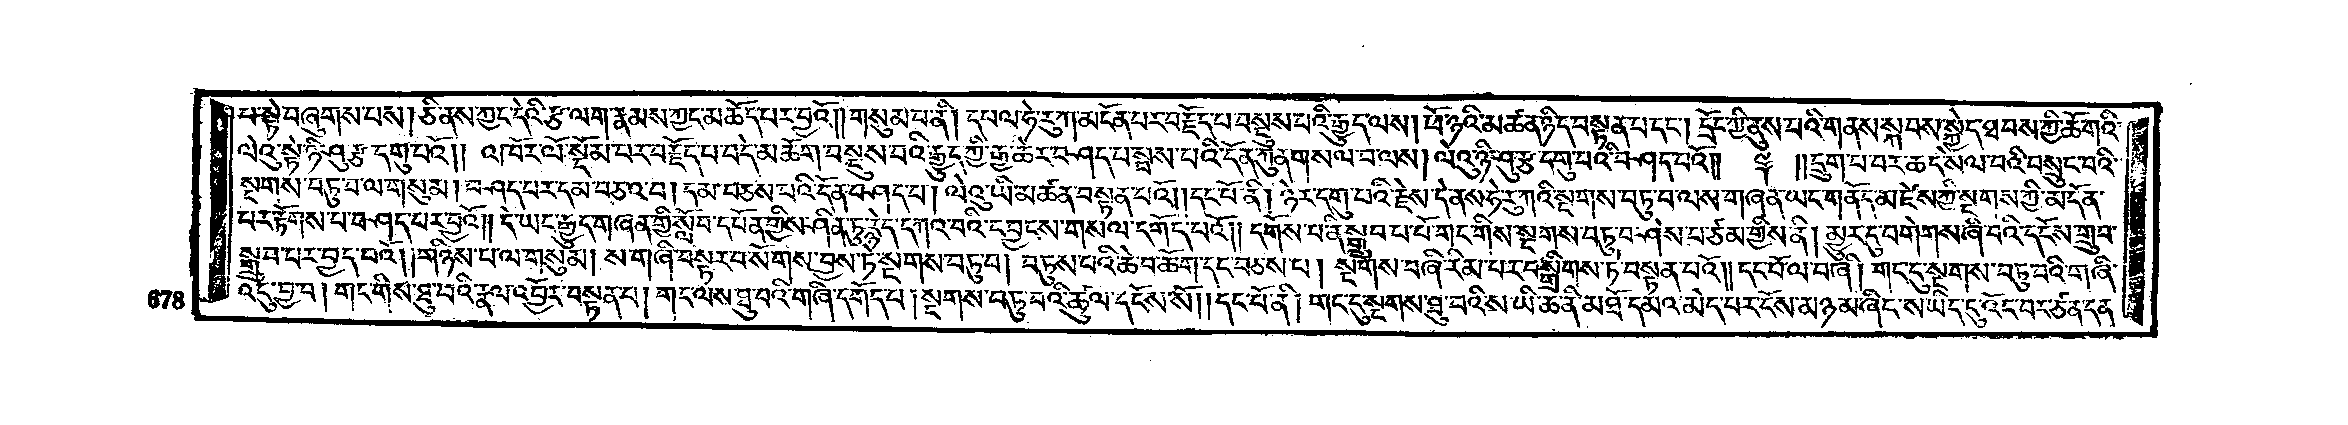པ་སྟེ་བཞུགས་པས། ཅི་ནས་ཀྱང་དེའི་རྩ་ལག་རྣམས་ཀྱང་མཆོད་པར་བྱའོ། །གསུམ་པ་ནི། དཔལ་ཧེ་རུ་ཀ་མངོན་པར་བརྗོད་པ་བསྡུས་པའི་རྒྱུད་ལས། ཕོ་ཉའི་མཚན་ཉིད་བསྟན་པ་དང་། དྲོང་ཀྱི་ནུས་པའི་གནས་སྐབས་སྐྱེད་ཐབས་ཀྱི་ཆོ་གའི་
ལེའུ་སྟེ་ཉི་ཤུ་རྩ་དགུ་པའོ། །འཁོར་ལོ་སྡོམ་པར་བརྗོད་པ་བདེ་མཆོག་བསྡུས་པའི་རྒྱུད་ཀྱི་རྒྱ་ཆེར་བཤད་པ་སྦས་པའི་དོན་ཀུན་གསལ་བ་ལས། ལེའུ་ཉི་ཤུ་རྩ་དགུ་པའི་བཤད་པའོ།། ༈ །།དྲུག་པ་བར་ཆད་སེལ་བའི་བསྲུང་བའི་
སྔགས་བཏུ་བ་ལ་གསུམ། བཤད་པར་དམ་བཅའ་བ། དམ་བཅས་པའི་དོན་བཤད་པ། ལེའུ་ཡི་མཚན་བསྟན་པའོ། །དང་པོ་ནི། ཉེར་དགུ་པའི་རྗེས་དེ་ནས་ཧེ་རུ་ཀའི་སྔགས་བཏུ་བ་ལས་གཞན་ཡང་གནོད་མཛེས་ཀྱི་སྔགས་ཀྱི་མདོན་
པར་རྟོགས་པ་བཤད་པར་བྱའོ། །དེ་ཡང་རྒྱུད་གཞན་གྱི་སློབ་དཔོན་གྱིས་ཤིན་ཏུ་རྙེད་དཀའ་བའི་དབྱངས་གསལ་དགོད་པའོ། །དགོས་པ་ནི་སྒྲུབ་པ་པོ་གང་གིས་སྔགས་བཏུ་བ་ཤེས་པ་ཙམ་གྱིས་ནི། མྱུར་དུ་བགེགས་ཞི་བའི་དངོས་གྲུབ་
སྒྲུབ་པར་བྱེད་བའོ། །གཉིས་པ་ལ་གསུམ། ས་གཞི་བསྟར་བ་སོགས་བྱས་ཏེ་སྔགས་བཏུ་བ། བཏུས་པའི་ཆེ་བ་ཆོ་ག་དང་བཅས་པ། སྔགས་བཞི་རིམ་པར་བསྒྲིགས་ཏེ་བསྟན་པའོ། །དང་པོ་ལ་བཞི། གང་དུ་སྔགས་བཏུ་བའི་གཞི་
འདུ་བྱ་བ། གང་གིས་ཐུ་བའི་རྣལ་འབྱོར་བསྟན་པ། གང་ལས་ཐུ་བའི་གཞི་དགོད་པ། སྔགས་བཏུ་བའི་ཚུལ་དངོས་སོ། །དང་པོ་ནི། གང་དུ་སྔགས་ཐུ་བའི་ས་ཡི་ཆ་ནི་མཐོ་དམའ་མེད་པར་ངོས་མཉམ་ཞིང་ས་ཡིད་དུ་འོང་བར་ཙན་དན་